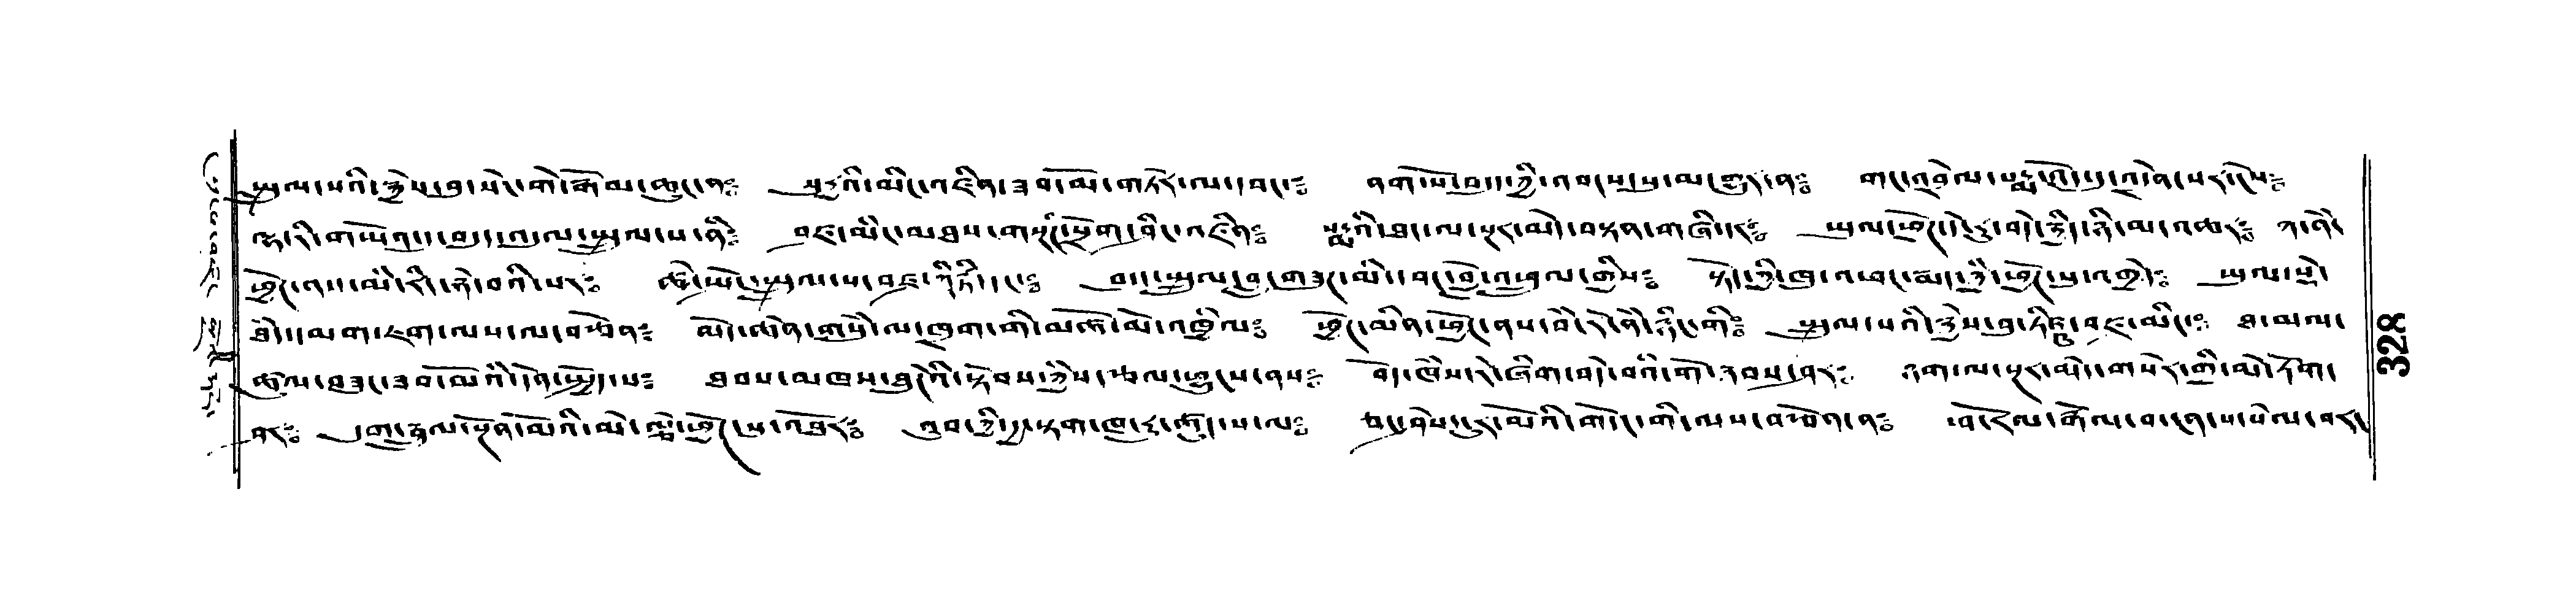སྤྲུལ་པའི་སྐྱེས་བུ་སེང་གེ་སྒོམ་ཆུང་ན༔ སུརྻའི་མིང་འཛིན་ཟབ་མོ་གཏེར་ལ་དབང༔ ནག་པོ་བདུད་ཀྱི་འབངས་སུ་མ་གྱུར་ན༔ གང་འབྲེལ་པདྨ་འོད་དུ་འདྲེན་པར་ངེས༔ 
ལྷ་རི་གཡོན་དུ་བདུད་འདུལ་སྤྲུལ་པ་ནི༔ བཛྲ་མིང་མཐས་གསང་སྔགས་སྲོག་ཤིང་འཛིན༔ པདྨའི་ཐང་ལ་སྔར་མེད་བསྟན་གཞི་དར༔ ཡུལ་ཕྱོགས་དེ་རུ་བདེ་སྐྱིད་ཉི་མ་འཆར༔ ཀ་ནམ
་ཕྱོགས་ནས་མི་རིང་ཉེ་བའི་སར༔ ཚེ་སྤོང་སྤྲུལ་པ་བཛྲ་ཀཱིརྟི་དང༔ བདུད་སྤྲུལ་བླ་གཟུགས་མི་དབང་བློ་འཕྲུལ་གྱིས༔ སྟོད་ཀྱི་ཁུ་འཕང་སྨད་ཀྱི་ཕྱོགས་སུ་འགྱེད༔ ཡུལ་སྡེ་
ཐམས་ཅད་དམག་ཇག་ལས་ལ་བརྩོན༔ མདོ་ཚན་གསུམ་ལ་ཁྲག་གི་མཚོ་མོ་འཁྱིལ༔ཕྱོགས་མིན་ཕྱོགས་ནས་བཻ་རོ་ནམ་སྙིང་གི༔ སྤྲུལ་པའི་སྐྱེས་བུ་ཏིཥྛ་བཛྲ་མིང༔ ཐ་མལ་
ཚུལ་བཟུང་ཟབ་མོའི་དོན་སྤྱོད་པ༔ ཐབས་མཁས་ཐུགས་རྗེའི་སྟོབས་ཀྱིས་རྩལ་ཕྱུངས་ནས༔ བོད་ཁམས་རེ་ཞིག་བདེ་བའི་གོ་སྐབས་ཤར༔ ཉག་ལ་སྔར་མེད་གསེར་གྱི་མེ་ཏོག་
ཤར༔ དུག་སྦྲུལ་སྔོན་མོའི་མེ་ལྕེ་ཕྱོགས་སུ་འཐོར༔ ནུབ་ཀྱི་རྒྱ་སྟག་ཁ་རུ་ཚུད་པ་ལ༔ ཅང་ཤེས་ངུར་མོའི་གདོང་གི་ལས་བརྩོན་ན༔ ཕ་རོལ་རྒོལ་བ་ངན་པ་སེལ་བར་